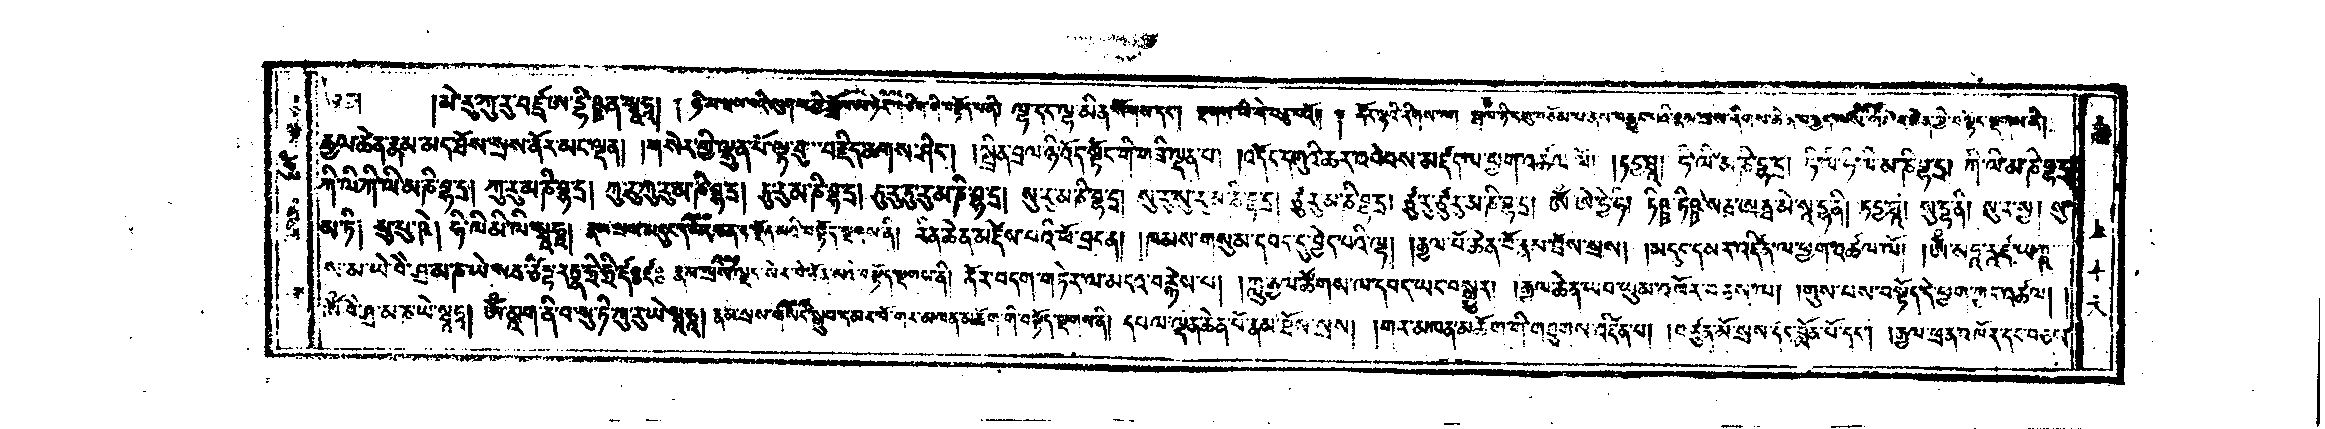༄༅། །མེ་རུ་ཀུ་རུ་བཛྲ་ཨ་དྷི་ཥཊཿཨ་ན་སྭཱཧཱ། ༈ ཉི་མ་སྦས?་བའི་ལུགས་ཀྱི་སྒྲོལ་མ༡༧༨་ཉེར༡༩༨?་གཅིག་གི་བསྟོད་པ་ནི། ལྷ་དང་ལྷ་མིན་སོགས་དང་། སྔགས་ཡི་གེ་བཅུ་པའོ།། ༈ ནོར་ལྷའི་རིགས་ལ། སྦལ་ཏི་དགུ་བཅོམ་པ་ནས་བརྒྱུད་པའི་རྣམ་སྲས་རིགས་ཆེན་བརྒྱད་ལས༡༩༩་གསེར་ཆེན་གྱི་བསྟོད་སྔགས་ནི།
རྒྱལ་ཆེན་རྣམ་མང་ཐོས་སྲས་ནོར་མང་ལྡན། །གསེར་གྱི་ལྷུན་པོ་ལྟ་བུ་བརྗིད་ཆགས་ཤིང་། །སྤྲིན་བྲལ་ཉི་འོད་སྟོང་གི་གཟི་ལྡན་པ། །འདོད་དགུའི་ཆར་འབེབས་མཛད་ལ་ཕྱག་འཚལ་ལོ། །ཏདྱ་ཐཱ། ཧི་ལི་མ་ཎི་བྷ་དྲ། ཧི་ལི་ཧི་ལི་མ་ཎི་བྷ་དྲ། ཀི་ལི་མ་ཎི་བྷ་དྲ།
ཀི་ལི་ཀི་ལི་མ་ཎི་བྷ་དྲ། ཀུ་རུ་མ་ཎི་བྷ་དྲ། ཀུ་རུ་ཀུ་རུ་མ་ཎི་བྷ་དྲ། ཏུ་རུ་མ་ཎི་བྷ་དྲ། ཏུ་རུ་ཏུ་རུ་མ་ཎི་བྷ་དྲ། སུ་རུ་མ་ཎི་བྷ་དྲ། སུ་རུ་སུ་རུ་མ་ཎི་བྷ་དྲ། ཙུ་རུ་མ་ཎི་བྷ་དྲ། ཙུ་རུ་ཙུ་རུ་མ་ཎི་བྷ་དྲ། ཨོཾ་ཨེ་ཧྱེ་ཧི། ཏིཥཊཿཨ་ཏིཥཊཿཨ་སརྦ་ཨརྠ་མེ་སཱ་དྷ་ནི། ཏདྱ་ཐཱ། སུ་དྷ་ནི། སུ་ར་སྱ། སུ་
མ་ཏི༑ སུ་པུ་ཥེ། ཧི་ལི་མི་ལི་སྭཱཧཱ། རྣམ་སྲས་མདུང་དམར ༢༠༠་ཅན་རྟ་སྔོན་མའི་བསྟོད་སྔགས་ནི། རིན་ཆེན་མཛེས་པའི་ཕོ་བྲང་ན། །ཁམས་གསུམ་དབང་དུ་བྱེད་པའི་ལྷ། །རྒྱལ་པོ་ཆེན་པོ་རྣམ་ཐོས་སྲས། །མདུང་དམར་འཛིན་ལ་ཕྱག་འཚལ་ལོ། །ཨོཾ་མཧཱ་རཱ་ཛ་ཡཀྵ་
ས་མ་ཡེ་བཻ་ཤྲ་མ་ཎ་ཡེ་སརྦ་ཙིཏྟ་རཏྣ་ཧྲེ་ཧྲི་ཛཿཛཿ རྣམ་སྲས་ལྗང་སེར་བེ་ཅོན་མའི་བསྟོད་སྔགས་ནི།  ནོར་བདག་གཏེར་ལ་མདའ་བརྙེས་པ། །ཀླུ་རྒྱལ་ཚོགས་ལ་དབང་ཡང་བསྒྱུར། །རྒྱལ་ཆེན་ཡབ་ཡུམ་འཁོར་བཅས་ལ། །གུས་པས་བསྟོད་དེ་ཕྱག་ཀྱང་འཚལ། །
ཨོཾ་བཻ་ཤྲ་མ་ཎ་ཡེ་སྭཱཧཱ། ཨོཾ་ནཱ་ག་ནི་བ་སུ་ཏི་ཀུ་རུ་ཡེ་སྭཱཧཱ། རྣམ་སྲས་གསང༢༠༢་སྒྲུབ་དམར་པོ་གར་མཁན་མཆོག་གི་བསྟོད་སྔགས་ནི། དཔལ་ལྡན་ཆེན་པོ་རྣམ་ཐོས་སྲས། །གར་མཁན་མཆོག་གི་གྠུགས་འཛིན་པ། །བཙུན་མོ་སྲས་དང་བློན་པོ་དང་། །རྒྱལ་ཕྲན་འཁོར་དང་བཅས་